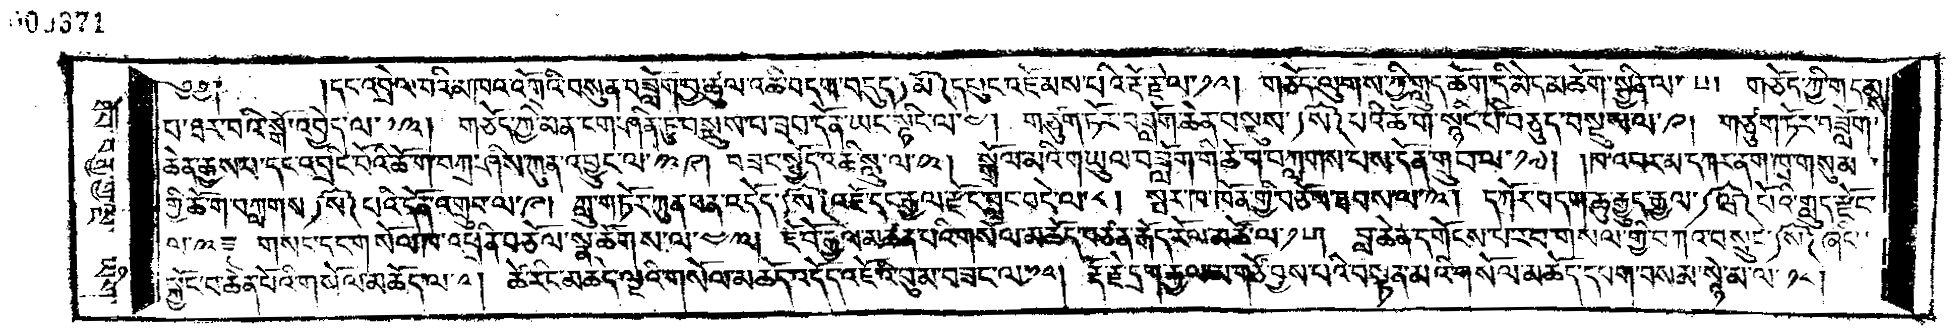༄༅། །དང་འབྲེལ་བའི་མཁའ་འགྲོའི་བསུན་བཟློག་བྱ་ཚུལ་འཆི་བདག་བདུད ༼མ༽ དཔུང་འཇོམས་པའི་རྡོ་རྗེ་ལ ༡༢། གཅོད་ལུགས་ཀྱི་གླུད་ཆོག་དྲི་མེད་མཆོག་སྦྱིན་ལ ༥། གཅོད་ཀྱི་གདམས་
པ་ཐར་བའི་སྒོ་འབྱེད་ལ ༡༣། གཅོད་ཀྱི་མན་ངག་ཤིན་ཏུ་བསྡུས་པ་ཟབ་དོན་ཡང་སྙིང་ལ ༤། གཙུག་ཏོར་བཟློག་ཆེན་བསྡུས ༼ས༽ པའི་ཆོ་ག་སྙིང་པོ་བཅུད་བསྡུས་ལ ༩། གཙུག་ཏོར་བཟློག་
ཆེན་རྒྱས་པ་དང་འབྲིང་པོའི་ཆོ་ག་བཀྲ་ཤིས་ཀུན་འབྱུང་ལ ༣༩། བཟང་སྤྱོད་འཆི་སླུ་ལ ༣། སྒྲོལ་མའི་གཡུལ་བཟློག་གི་ཆོ་ག་བཀླགས་པས་དོན་གྲུབ་ལ ༡༧། །ཁ་འབར་མ་དཀར་ནག་ཁྲ་གསུམ་
གྱི་ཆོ་ག་བཀླགས ༼ས༽ པའི་དོན་འགྲུབ་ལ ༩། ཀླུ་གཏོར་ཀུན་ཕན་འདོད ༼ས༽ འཇོ་དང་རྒྱལ་རྫོང་བླང་བདེ་ལ ༨། སྤར་ཁ་ཁོན་གྱི་བཅོས་ཐབས་ལ ༣། དཀོར་བདག་ཆུ་རྒྱུད་རྒྱལ ༼ཝ༽ པོའི་གླུད་རྫོང་
ལ ༣༑ གསང་དང་གསོལ་ཁ་འཕྲིན་བཅོལ་སྣ་ཚོགས་ལ ༤༣། ཇོ་བོ་རྒྱལ་མཚན་པའི་གསོལ་མཆོད་བཙན་རྒོད་རོལ་མཚོ་ལ ༡༥། བླ་ཆེན་དགོངས་པ་རབ་གསལ་གྱི་བཀའ་བསྲུང ༼ས༽ ཞིང་
སྐྱོང་བ་ཆེན་པོའི་གསོལ་མཆོད་ལ ༢། ཚེ་རིང་མཆེད་ལྔའི་གསོལ་མཆོད་འདོད་འཇོའི་བུམ་བཟང་ལ ༡༢། རྡོ་རྗེ་དྲག་རྒྱལ་མ་གཙོ་བྱས་པའི་བསྟན་མའི་གསོལ་མཆོད་དཔག་བསམ་སྙེ་མ་ལ ༡༨།